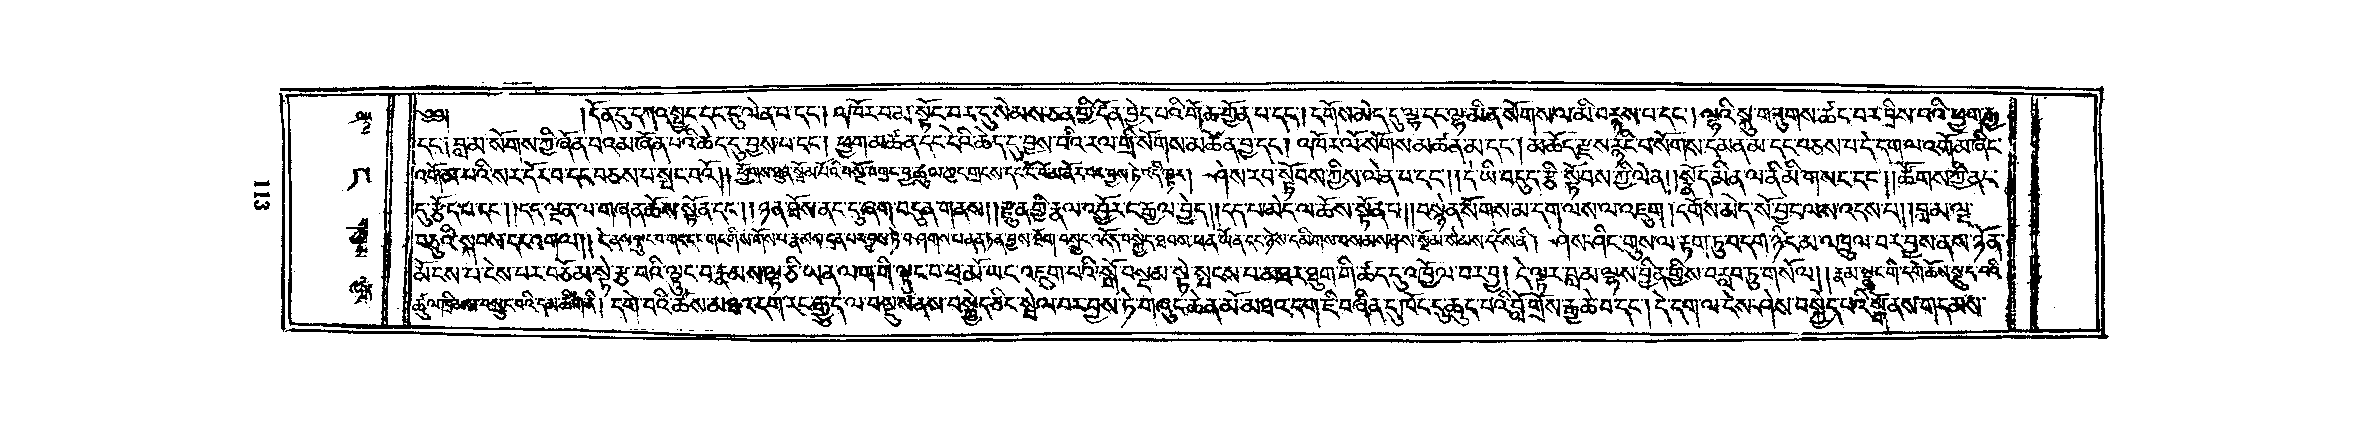༄༅། །དོན་དུ་དཀའ་སྤྱད་དང་དུ་ལེན་པ་དང་། འཁོར་བ་མ་སྟོང་བར་དུ་སེམས་ཅན་གྱི་དོན་བྱེད་པའི་གོ་ཆ་གྱོན་པ་དང་། དགོས་མེད་དུ་ལྷ་དང་ལྷ་མིན་སོགས་ལ་མི་བརྙས་པ་དང་། ལྷའི་སྐུ་གཟུགས་ཚང་བར་བྲིས་པའི་ཕྱག་རྒྱ་
དང་། བླ་མ་སོགས་ཀྱི་ཞོན་པའམ་ཞོན་པའི་ཆེད་དུ་བྱས་པ་དང་། ཕྱག་མཚན་དང་དེའི་ཆེད་དུ་བྱས་པའི་རལ་གྲི་སོགས་མཚོན་བྱ་དང་། འཁོར་ལོ་སོགས་མཚན་མ་དང་། མཆོད་རྫས་རྙིང་པ་སོགས་དམན་མ་དང་བཅས་པ་དེ་དག་ལ་འགོམ་ཞིང་
འགོམ་པའི་སར་དོར་བ་དང་བཅས་པ་སྤང་བའོ། །ཕྱོགས་ཐུན་སྦོམ་པོའི་བསྔོ་བགྲང་བྱ་ཚུལ་ཀྱང་གྲངས་དང་ངོ་བོ་མ་ནོར་བར་བྱས་ཏེ་འདི་ལྟར། ཤེས་རབ་སྟོབས་ཀྱིས་ལེན་པ་དང་། །དེ་ཡི་བདུད་རྩི་སྟོབས་ཀྱི་ལེན། །སྣོད་མིན་ལ་ནི་མི་གསང་དང་། །ཚོགས་ཀྱི་ནང་
དུ་རྩོད་པ་དང་། །དད་ལྡན་ལ་གཞན་ཆོས་སྟོན་དང་། །ཉན་ཐོས་ནང་དུ་ཞག་བདུན་གནས། །རྫུན་གྱི་རྣལ་འབྱོར་ང་རྒྱལ་བྱེད། །དད་པ་མེད་ལ་ཆོས་སྟོན་པ། །བསྙེན་སོགས་མ་དག་ལས་ལ་འཇུག །དགོས་མེད་སོ་བྱང་ལས་འདས་པ། །བླ་མ་ལྔ་
བཅུའི་སྐབས་དང་འགལ། །དེ་ནས་ལྟུང་བ་གང་དང་གང་གིས་གོས་པ་རྣམས་དྲན་པར་བྱས་ཏེ་བཤགས་པ་ནན་ཏན་བྱས་ཐོག་བསྲུང་འདོད་བསྐྱེད་ཐབས་ཕན་ཡོན་དང་ཉེས་དམིགས་བསམས་ནས་སྡོམ་སེམས་དངོས་ནི། ཤེས་ཤིང་གུས་ལ་རྟག་ཏུ་བདག་ཉིད་མ་འཁྲུལ་བར་བྱས་ནས་ཉོན་
མོངས་པ་ངེས་པར་བཅོམ་སྟེ་རྩ་བའི་ལྟུང་བ་རྣམས་ལྟ་ཅི་ཡན་ལག་གི་ལྟུང་བ་ཕྲ་མོ་ཡང་འཇུག་པའི་སྒོ་བསྡམ་སྟེ་སྤངས་པ་མཐར་ཐུག་གི་ཚད་དུ་འཁྱོལ་བར་བྱ། དེ་ལྟར་བླ་མ་ལྷས་བྱིན་གྱིས་བརླབ་ཏུ་གསོལ། །རྣམ་སྣང་གི་དགེ་ཆོས་སྡུད་པའི་
ཚུལ་ཁྲིམས་བསྲུང་བའི་དམ་ཚིག་ནི། དགེ་བའི་ཆོས་མཐའ་དག་རང་རྒྱུད་ལ་བསྡུས་ནས་བསྐྱེད་ཅིང་སྤེལ་བར་བྱས་ཏེ་གཞུང་ཆེན་མོ་མཐའ་དག་ཇི་བཞིན་དུ་ཁོང་དུ་ཆུད་པའི་བློ་གྲོས་རྒྱ་ཆེ་བ་དང་། དེ་དག་ལ་ངེས་ཤེས་བསྐྱེད་པའི་སྒོ་ནས་གདམས་